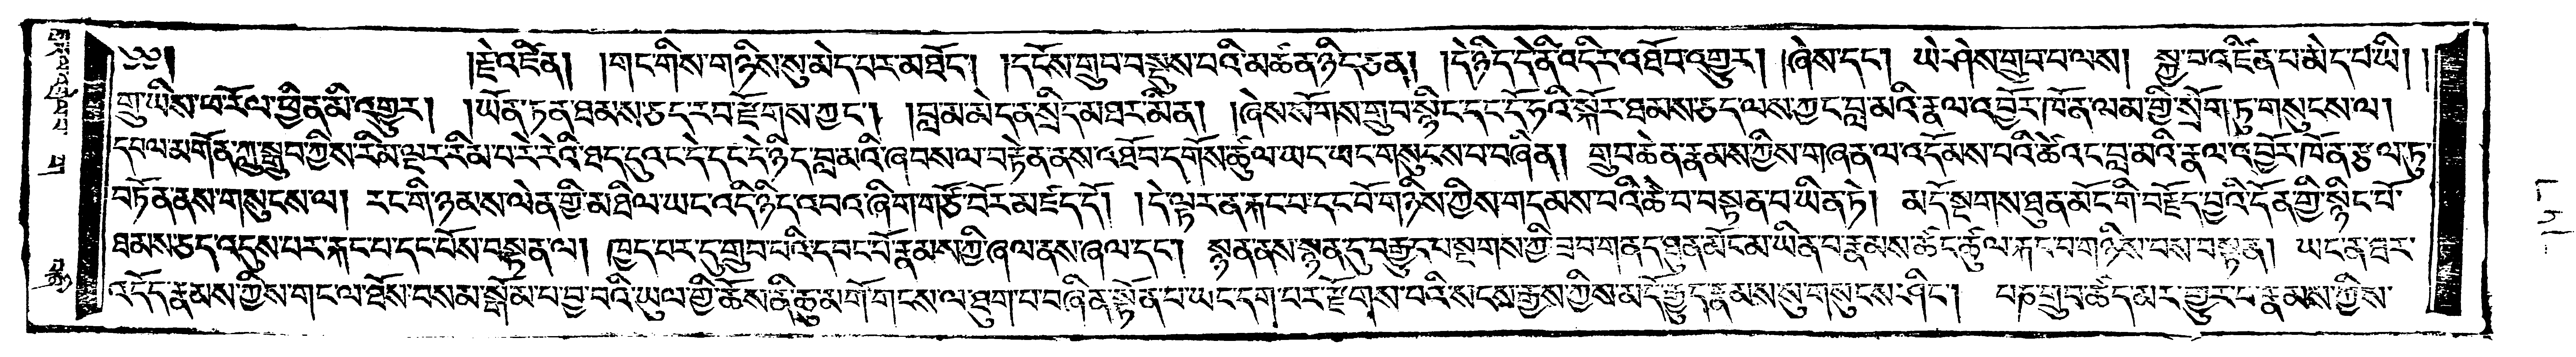༄༅། །རྗེ་འཛིན། །གང་གིས་གཉིས་སུ་མེད་པར་མཐོང་། །དངོས་གྲུབ་བསྡུས་པའི་མཚན་ཉིད་ཅན། །དེ་ཉིད་དེ་ནི་འདིར་འཐོབ་འགྱུར། །ཞེས་དང་། ཡེ་ཤེས་གྲུབ་པ་ལས། སྐྱ་བ་འཛིན་པ་མེད་པ་ཡི། །
གྲུ་ཡིས་ཕ་རོལ་ཕྱིན་མི་འགྱུར། །ཡོན་ཏན་ཐམས་ཅད་རབ་རྫོགས་ཀྱང་། །བླ་མ་མེད་ན་སྲིད་མཐར་མིན། །ཞེས་སོགས་གྲུབ་སྙིང་དང་དོ་ཧའི་སྐོར་ཐམས་ཅད་ལས་ཀྱང་བླ་མའི་རྣལ་འབྱོར་ཁོ་ན་ལམ་གྱི་སྲོག་ཏུ་གསུངས་ལ།
དཔལ་མགོན་ཀླུ་སྒྲུབ་ཀྱིས་རིམ་ལྔར་རིམ་པ་རེ་རེའི་ཐང་དུའང་དེ་དང་དེ་ཉིད་བླ་མའི་ཞབས་ལ་བརྟེན་ནས་འཐོབ་དགོས་ཚུལ་ཡང་ཡང་གསུངས་པ་བཞིན། གྲུབ་ཆེན་རྣམས་ཀྱིས་གཞན་ལ་འདོམས་པའི་ཚེའང་བླ་མའི་རྣལ་འབྱོར་ཁོ་ན་རྩལ་ཏུ་
བཏོན་ནས་གསུངས་ལ། རང་གི་ཉམས་ལེན་གྱི་མཐིལ་ཡང་འདི་ཉིད་འབའ་ཞིག་གཙོ་བོར་མཛད་དོ། །དེ་ལྟར་ན་རྐང་པ་དང་བོ་གཉིས་ཀྱིས་གདམས་པའི་ཆེ་བ་བསྟན་པ་ཡིན་ཏེ། མདོ་སྔགས་ཐུན་མོང་གི་བརྗོད་བྱའི་དོན་གྱི་སྙིང་པོ་
ཐམས་ཅད་འདུས་པར་རྐང་པ་དང་པོས་བསྟན་ལ། ཁྱད་པར་དུ་གྲུབ་པའི་དབང་པོ་རྣམས་ཀྱི་ཞལ་ནས་ཞལ་དང་། སྙན་ནས་སྙན་དུ་བརྒྱུད་བསྔགས་ཀྱི་ཟབ་གནད་ཐུན་མོང་མ་ཡིན་པ་རྣམས་ཚང་ཚུལ་རྐང་པ་གཉིས་པས་བསྟན། ཡང་ན་ཐར་
འདོད་རྣམས་ཀྱིས་གང་ལ་ཐོས་བསམ་སྒོམ་པ་བྱ་བའི་ཡུལ་གྱི་ཆོས་ནི་ཆུ་མགོ་གངས་ལ་ཐུག་པ་བཞིན་སྟོན་པ་ཡང་དག་པར་རྫོགས་པའི་སངས་རྒྱས་ཀྱིས་མདོ་རྒྱུད་རྣམས་སུ་གསུངས་ཤིང་། པཎ་གྲུབ་ཚད་མར་གྱུར་པ་རྣམས་ཀྱིས་